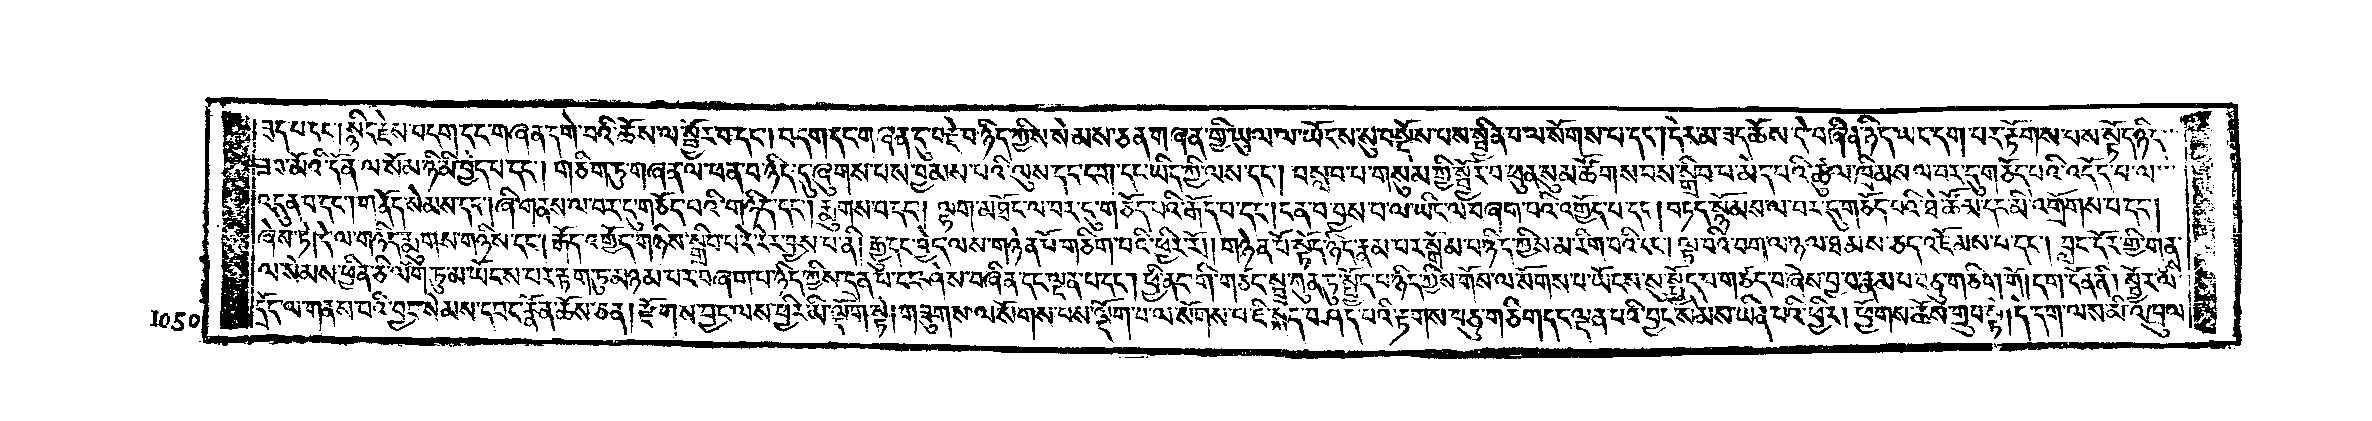ཟད་པ་དང་། སྙིང་རྗེས་བདག་དང་གཞན་དགེ་བའི་ཆོས་ལ་སྦྱོར་བ་དང་། བདག་དང་གཞན་དུ་བརྗེ་བ་ཉིད་ཀྱིས་སེམས་ཅན་གཞན་གྱི་ཡུལ་ལ་ཡོངས་སུ་བསྡོས་པས་སྦྱིན་པ་ལ་སོགས་པ་དང་། དེར་མ་ཟད་ཆོས་དེ་བཞིན་ཉིད་ཡང་དག་པར་རྟོགས་པས་སྟོང་ཉིད་
ཟབ་མོའི་དོན་ལ་སོམ་ཉི་མི་བྱེད་པ་དང་། གཅིག་ཏུ་གཞན་ལ་ཕན་པ་ཉིད་དུ་ཞུགས་པས་བྱམས་པའི་ལུས་དང་ངག་དང་ཡིད་ཀྱི་ལས་དང་། བསླབ་པ་གསུམ་གྱི་སྦྱོར་བ་ཕུན་སུམ་ཚོགས་པས་སྒྲིབ་པ་མེད་པའི་ཚུལ་ཁྲིམས་ལ་བར་དུ་གཅོད་པའི་འདོད་པ་ལ་
འདུན་པ་དང་། གནོད་སེམས་དང་། ཞི་གནས་ལ་བར་དུ་གཅོད་པའི་གཉིད་དང་། རྨུགས་བ་དང་། ལྷག་མཐོང་ལ་བར་དུ་གཅོད་པའི་རྒོད་པ་དང་། ངན་པ་བྱས་པ་ལ་ཡིད་ལ་བཞག་པའི་འགྱོད་པ་དང་། བཏང་སྙོམས་ལ་བར་དུ་གཅོད་པའི་ཐེ་ཚོམ་དང་མི་འགྲོགས་པ་དང་།
ཞེས་ཏེ། དེ་ལ་གཉིད་རྨུགས་གཉིས་དང་། རྒོད་འགྱོད་གཉིས་སྒྲིབ་པ་རེ་རེར་བྱས་པ་ནི། རྒྱུ་དང་བྱེད་ལས་གཉེན་པོ་གཅིག་པའི་ཕྱིར་རོ། །གཉེན་པོ་སྟོང་ཉིད་རྣམ་པར་སྒོམ་པ་ཉིད་ཀྱིས་མ་རིག་པའི་ངང་། ལྟ་བའི་བག་ལ་ཉལ་ཐམས་ཅད་འཇོམས་པ་དང་། བླང་དོར་གྱི་གནས་
ལ་སེམས་ཕྱིན་ཅི་ལོག་ཏུ་མ་ཡོངས་པར་རྟག་ཏུ་མཉམ་པར་བཞག་པ་ཉིད་ཀྱིས་དྲན་པ་ངང་ཤེས་བཞིན་དང་ལྡན་པ་དང་། ཕྱི་ནང་གི་གཙང་སྦྲ་ཀུན་ཏུ་སྤྱོད་པ་ཉིད་ཀྱིས་གོས་ལ་སོགས་པ་ཡོངས་སུ་སྤྱོད་པ་གཙང་བ་ཞེས་བྱ་བ་རྣམ་པ་བཅུ་གཅིག་གོ། །དག་དོན་ནི། སྦྱོར་ལམ་
དྲོད་ལ་གནས་པའི་བྱང་སེམས་དབང་རྣོན་ཆོས་ཅན། རྫོགས་བྱང་ལས་ཕྱིར་མི་ལྡོག་སྟེ། གཟུགས་ལ་སོགས་པས་ལྡོག་པ་ལ་སོགས་པ་ཇི་སྐད་བཤད་པའི་རྟགས་པ་བཅུ་གཅིག་དང་ལྡན་པའི་བྱང་སེམས་ཡིན་པའི་ཕྱིར། ཕྱོགས་ཆོས་གྲུབ་སྟེ། དེ་དག་ལས་མི་འཁྲུལ་